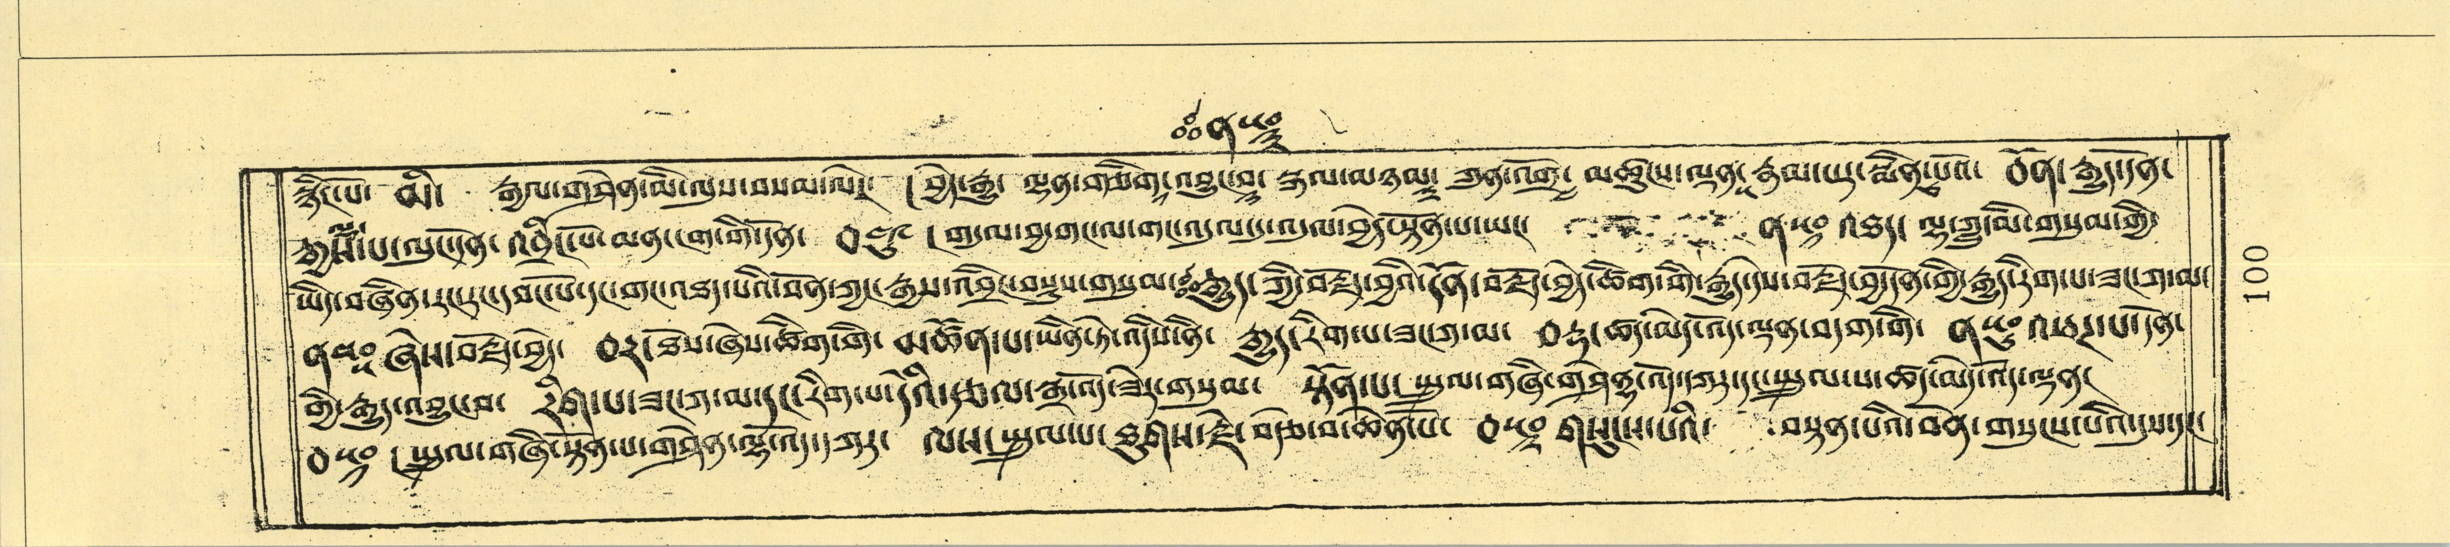སྙིང་པོ་༼མི༽རྒྱལ་གཤེན་མི་ལུས་བསམ་ལེགས། བྱེད་རྒྱུ་༡ ལྷན་ཅིག་འབྱུང་བ་༢ སྐལ་མཉམ་༣ ཀུན་འགྲོ་༤ མཚུངས་ལྡན་༥ རྣམ་པར་སྨིན་པའོ།༦༼བོན༽རྒྱུད་དོན་
༼རྒྱས་པ༽ལུང་དོན་༼འབྲིང་པོ༽མན་ངག་གི་དོན་བ༤༩།༦ གདུལ་བྱ་གང་ལ་གང་འདུལ་གྱི་འདུལ་བྱེད་སྟོན་པ་ཡང་ན༥༠།༡༼འཐད༽ལྷ་ཀླུ་མི་གསུམ་གྱི་
ཡིད་བཞིན་རང་རང་དབང་པོ་དང་གང་འཐད་པའི་བོན་ཀྱང་རྒྱས་འབྲིང་བསྡུས་གསུམ་ན༥༠།༣༼རྒྱུད༽ཀྱི་བརྗོད་བྱའི་༼དོན༽རྗོད་བྱེད་ཚིག་གི་རྒྱུད་དེས་བརྗོད་བྱ་དོན་གྱི་རྒྱུད་རིག་པ་ཟང་ཀ་མ་
ན༤༠།༥༼ཞེས༽བརྗོད་བྱེད་༼བར༽ཐོས་ཞེས་ཚིག་གི་༼མཚོན་པ༽ཡིན་ཏེ་འདིས་ནི་༼རྒྱུད༽རིག་པ་ཟང་ཀ་མ་༼བརྡ༽ཚད་མེད་འོད་ལྡན་བདག་གི་ན༥༠།༦༼འཕགས་པ༽དོན་
གྱི་རྒྱུད་འབྱུང་བ་༼རིག་པ༽ཟང་ཀ་མ་༼དང༽རིག་པ་༼དེའི་རྩལ༽སྒྲ་འོད་ཟེར་གསུམ་༼སྟོན་པ༽སྤྲུལ་གཞི་གཤེན་ལྷ་འོད་དཀར་དང་སྤྲུལ་པ་ཚད་མེད་འོད་ལྡན་
བ༥༠།༡ སྤྲུལ་གཞི་སྟོན་པ་གཤེན་ལྷ་འོད་དཀར་༼ལས༽སྤྲུལ་པ་༼ཐུགས་རྗེ༽བརྩེ་བ་ཆེན་པོ་བ༥༠།༢༼གསུངས་པའི༽བསྟན་པའི་བོན་གསུངས་པའི་དུས་དང་